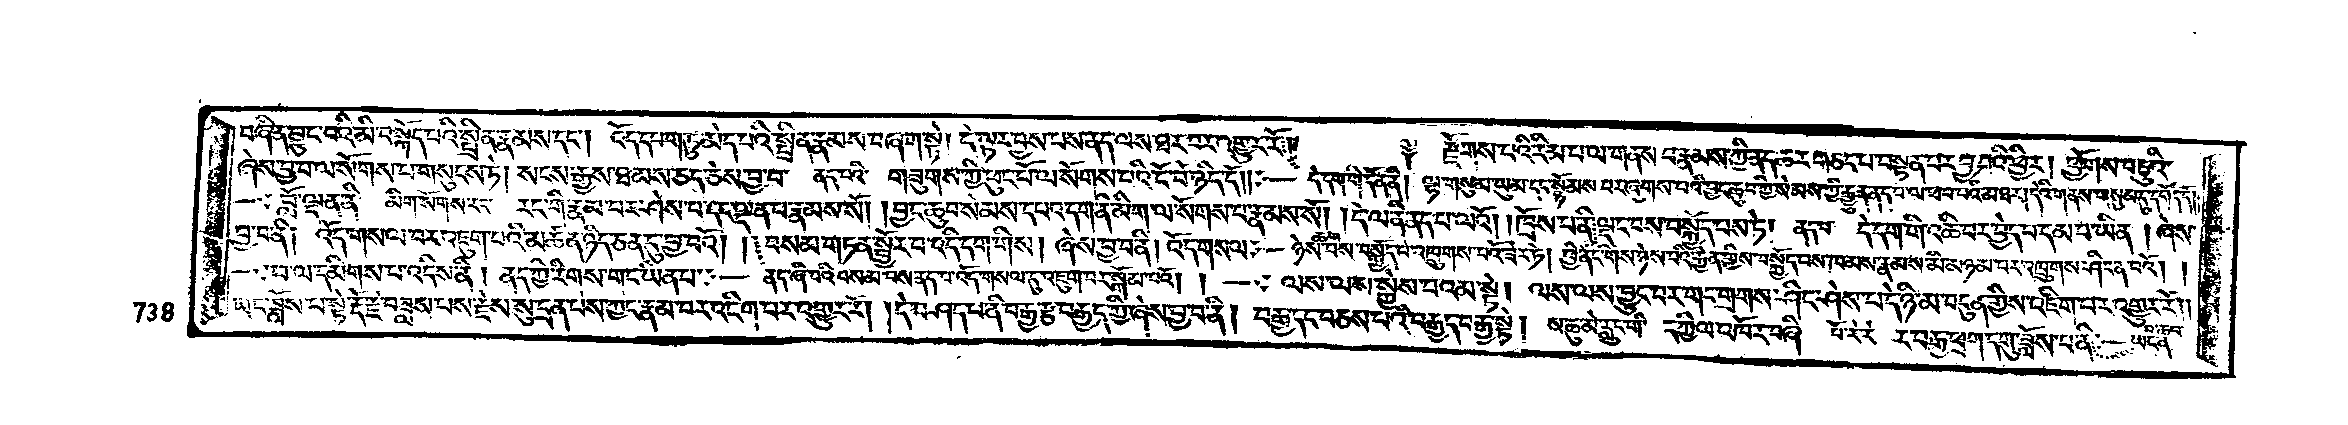བཞིན་བྱུང་བའི་མི་བསྐུད་?་པའི་སྤྲིན་རྣམས་དང་། འོད་དཔག་ཏུ་མེད་པའི་སྤྲིན་རྣམས་བཞག་སྟེ། དེ་ལྟར་བྱས་པས་ནད་ལས་ཐར་བར་འགྱུར་རོ།། ༈ རྫོགས་པའི་རིམ་པ་ལ་གནས་པ་རྣམས་ཀྱི་ནད་ཆར་གཙོད་པ་བསྟན་པར་བྱ་བའི་ཕྱིར། ཕྱོགས་བཅུའི་
ཞེས་བྱ་བ་ལ་སོགས་པ་གསུངས་ཏེ། སངས་རྒྱས་ཐམས་ཅད་ཅེས་བྱ་བ་ནད་པའི་གཟུགས་ཀྱི་ཕུང་པོ་ལ་སོགས་པའི་ངོ་བོ་ཉིད་དོ།། H.་དེ་དག་གི་དོན་ནི། ལྷ་གསུམ་ཡུམ་དང་སྙོམས་པར་ཞུགས་པའི་བྱང་ཆུབ་ཀྱི་སེམས་ཀྱི་རྒྱུན་ནད་པ་ལ་ཕབ་པའི་མཐར། དེའི་གནས་གསུམ་དུ་དགོད་དོ།།
.H བློ་ལྡན་ནི་མིག་སོགས་རང་རང་གི་རྣམ་པར་ཤེས་པ་དང་ལྡན་པ་རྣམས་སོ། །བྱང་ཆུབ་སེམས་དཔའ་དག་ནི་མིག་ལ་སོགས་པ་རྣམས་སོ། །དེ་ལ་ནི་ནད་པ་ལའོ། །ཁྲོས་པ་ནི་ལྡང་བས་བསྐྱོད་པས་ཏེ། ནད་པ་དེ་དག་གི་འཆི་བར་བྱེད་པ་དམ་པ་ཡིན། ཞེས་
བྱ་བ་ནི། འོད་གསལ་བར་འཇུག་པའི་མཚན་ཉིད་ཅན་དུ་བྱ་བའོ། །བསམ་གཏན་སྦྱོར་བ་འདི་དག་གིས། ཞེས་བྱ་བ་ནི། འོད་གསལ་H.་ཉེས་ཆག་པས་བསྐྱོད་པ་འཁྲུགས་པའོ་ཟེར་ཏེ། ཕྱི་ནང་གིས་ཉེས་པའི་རྐྱེན་གྱིས་བསྐྱོད་པས་ཁམས་རྣམས་མི་མཉམ་པར་འཁྲུགས་ཤིང་ན་བའོ། །
.Hཔ་ལ་དམིགས་པ་འདིས་ནི། ནད་ཀྱི་རིགས་གང་ཡིན་པ་H.་ནད་ཞི་བའི་བསམ་པས་ནད་པ་འོད་གསལ་དུ་འཇུག་པར་སྒོམ་པའོ། ། .Hལས་ལས་སྐྱེས་པའམ་སྟེ། ལས་ལས་བྱུང་བར་གང་གྲགས་ཤིང་ཤེས་པ་དེ་ཉི་མ་བདུན་གྱིས་འཇིག་པར་འགྱུར་རོ།།
ཡང་ཟློས་པ་སྟེ་རྡོ་རྗེ་བཟླས་པས་རྗེས་སུ་དྲན་པས་ཀྱང་རྣམ་པར་འཇིག་པར་འགྱུར་རོ། །དེ་བཤད་པ་ནི་བརྒྱ་རྩ་བརྒྱད་ཀྱི་ཞེས་བྱ་བ་ནི། བརྒྱ་དང་བཅས་པའི་བརྒྱད་བརྒྱ་སྟེ། ས་ཆུ་མེ་རླུང་གི་དཀྱིལ་འཁོར་བཞི་པོ་རེ་རེ་ང་?་བརྒྱ་ཕྲག་དགུ་ཟློས་པ་ནི་H.་པ་ཚབ་ཡང་ན་